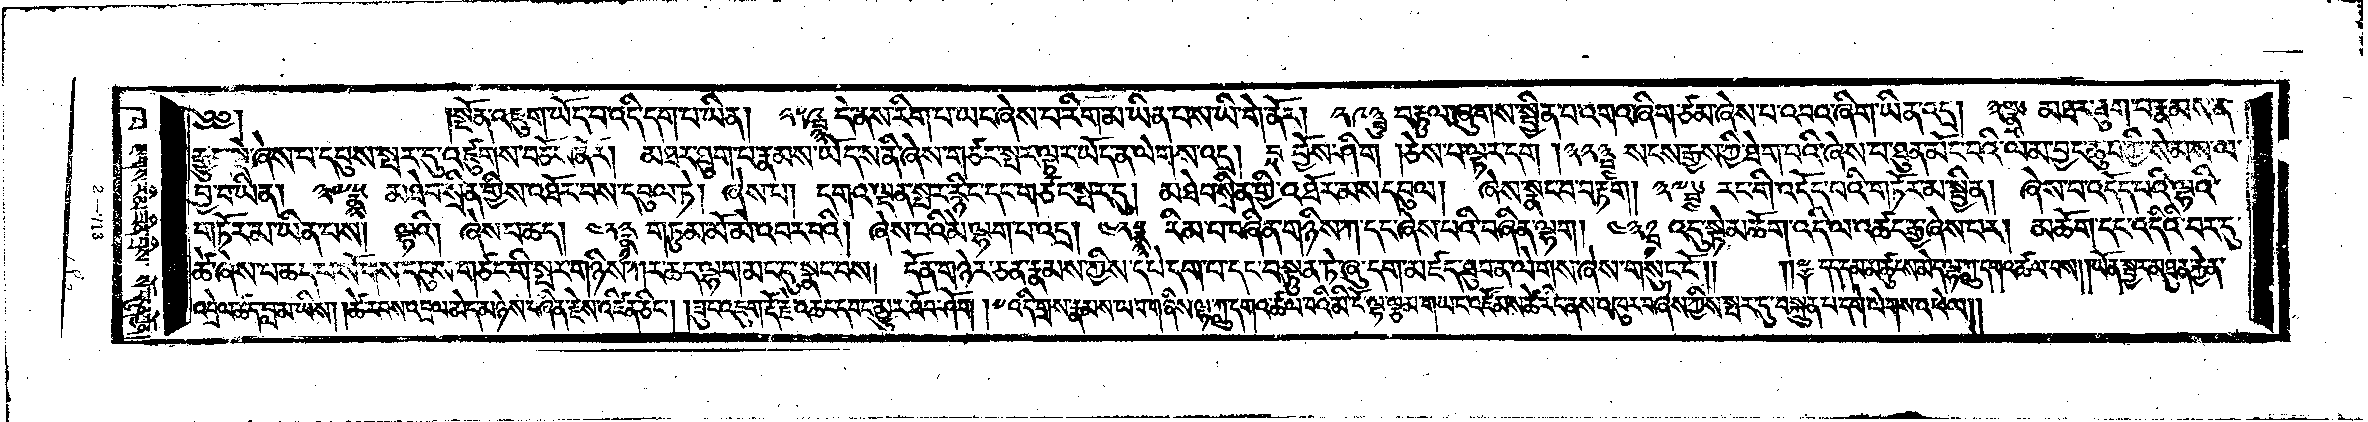༄༅། །སྔོན་འཇུག་ཡོད་པ་འདི་དག་པ་ཡིན། ༢༥༩བ༣་དེ་ནས་རིག་པ་ཡང་ཞེས་པ་རིག་མ་ཡིན་པས་ཡི་གེ་ནོར། ༢༩༣བ༦་བརྟུལ་ཞུགས་སྦྱིན་པ་འགའ་ཞིག་ཙམ་ཞེས་པ་འབའ་ཞིག་ཡིན་འདྲ། ༣༠༦ན༥་མཐར་ཐུག་བ་རྣམས་ན་
རྒྱུད་སྡེ་ཞེས་པ་དབུས་སྤར་དུ་འཛུགས་བཅོས་ནོར། མཐར་ཐུག་པ་རྣམས་ཡོད་ས་ནི་ཞེས་གཙང་སྤར་ལྟར་ཡོད་ན་ལེགས་འདྲ། བ༥་བྱོས་ཤིག །ཅེས་པ་ལྟར་དག །༣༢༣བ༤་སངས་རྒྱས་ཀྱི་ཐེག་པའི་ཞེས་པ་ཐུན་མོང་བའི་ལམ་བྱང་ཆུབ་ཀྱི་སེམས་ལ་
བྱ་བ་ཡིན། ༣༧༥ན༢་མཐེབ་སྲིན་གྱིས་འཐོར་བས་དབུལ་ཏེ། ཞེས་པ། དགའ་ལྡན་སྤར་རྙིང་དང་གཙང་སྤར་དུ། མཐེབ་སྲིན་གྱི་འཐོར་མས་དབུལ། ཞེས་སྣང་བ་བརྟག ། ༣༧༦བ༤་རང་གི་འདོད་པའི་གཏོར་མ་སྦྱིན། ཞེས་པ་འདོད་པའི་ལྷའི་
གཏོར་མ་ཡིན་པས། ལྷའི། ཞེས་པ་ཆད། ༤༢༢ན༡་གཏུམ་མོ་མེ་འབར་བའི། ཞེས་པའི་མེ་ལྷག་པ་འདྲ། ༤༢༥ན༣་རིམ་པ་བཞིན་གཉིས་ཀ་དང་ཞེས་པའི་བཞིན་ལྷག །༤༣༡བ༡་འདུ་སྟེ་མཆོག་འདི་ལ་འཚང་རྒྱ་ཞེས་བར། མཆོག་དང་འདིའི་བར་དུ་
ཚེ་ཞེས་པ་ཆད་པ་སོགས་དབུས་གཙང་གི་སྤར་གཉིས་ཀར་ཆད་ལྷག་མང་དུ་སྣང་བས། དོན་གཉེར་ཅན་རྣམས་ཀྱིས་དཔེ་དག་པ་དང་བསྟུན་ཏེ་ཞུ་དག་མཛད་ཐུབ་ན་ལེགས་ཞེས་གསུང་ངོ།། །། ༈ དད་དམ་མཚུངས་མེད་ལྷ་ཀླུ་དགའ་ཚལ་བས། །ཡོན་སྦྱར་མཐུན་རྐྱེན་
འབྲེལ་ཚད་བླ་མ་ཡིས། །ཚེ་རབས་འབྲལ་མེད་མཉེས་བཞིན་རྗེས་འཛིན་ཅིང་། །ཟུང་འཇུག་རྡོ་རྗེ་འཆང་དབང་མྱུར་ཐོབ་ཤོག །༧འདི་གྲས་རྣམས་ཡབ་གཞིས་ལྷ་ཀླུ་དགའ་ཚལ་བའི་མི་ངོ་ལྷ་ལྕམ་གཡང་འཛོམས་ཚེ་རིང་ནས་འཁུར་བཞེས་ཀྱིས་སྤར་དུ་བསྐྲུན་པ་དགེ་ལེགས་འཕེལ།།